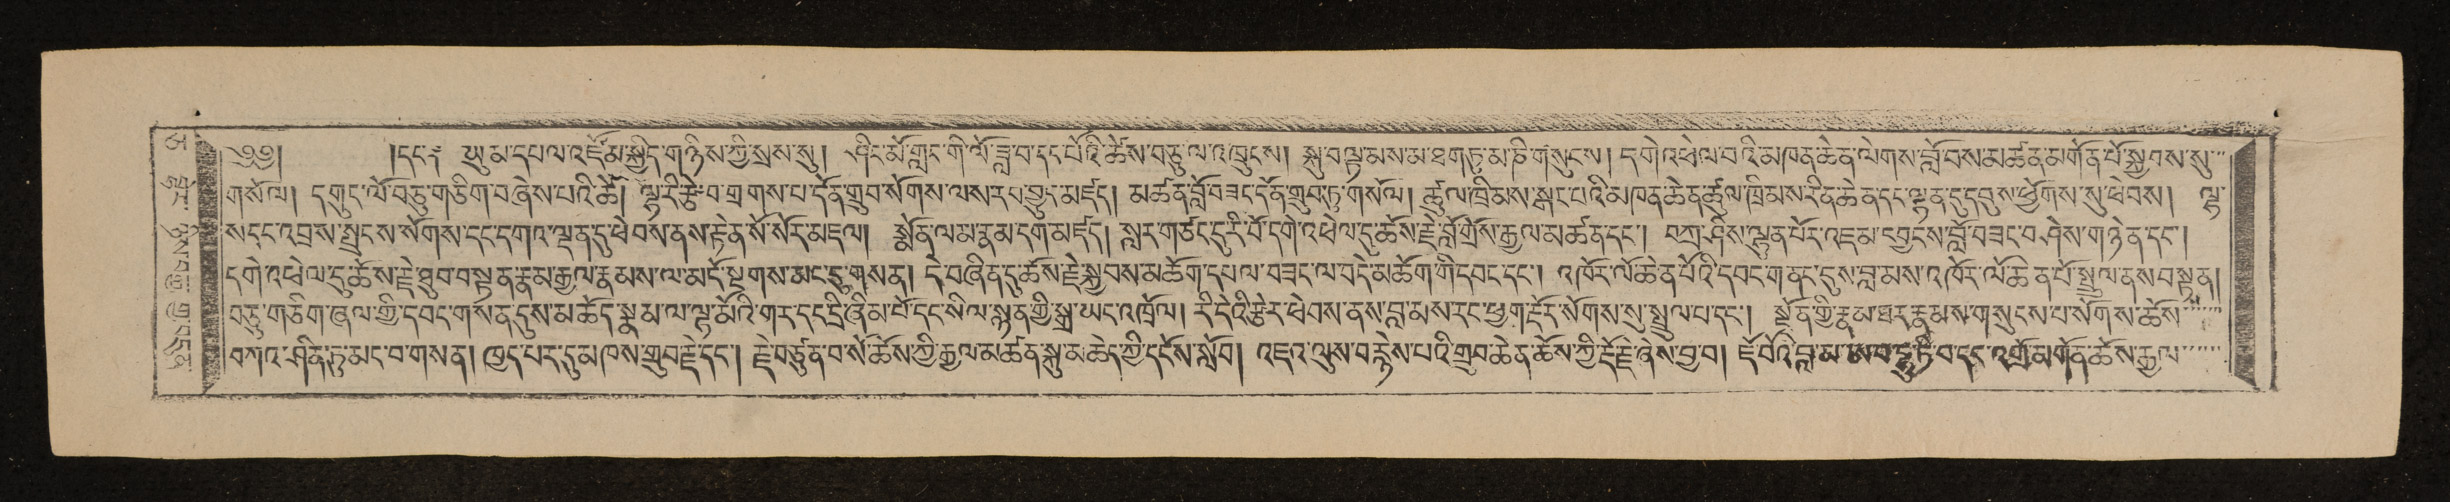༄༅། །དང༑ ཡུམ་དཔལ་འཛོམ་སྐྱིད་གཉིས་ཀྱི་སྲས་སུ། ཤིང་མོ་གླང་གི་ལོ་ཟླ་བ་དང་པོའི་ཚེས་བཅུ་ལ་འཁྲུངས། སྐུ་བལྟམས་མཐག་ཏུ་མ་ཎི་གསུངས། དགེ་འཕེལ་བའི་མཁན་ཆེན་ལེགས་བློ་བས་མཚན་མགོན་པོ་སྐྱབས་སུ་
གསོལ། དགུང་ལོ་བཅུ་གཅིག་བཞེས་པའི་ཚེ། ལྷ་རི་རྩེ་བ་གྲགས་བ་དོན་གྲུབ་སོགས་ལས་རབ་བྱུང་མཛད། མཚན་བློ་བཟང་དོན་གྲུབ་ཏུ་གསོལ། ཚུལ་ཁྲིམས་སྒང་བའི་མཁན་ཆེན་ཚུལ་ཁྲིམས་རིན་ཆེན་དང་ལྷན་དུ་དབུས་ཕྱོགས་སུ་ཕེབས། ལྷ་
ས་དང་འབྲས་སྤུངས་སོགས་དང་དགའ་ལྡན་དུ་ཕེབས་ནས་རྟེན་སོ་སོར་མཇལ། སྨོན་ལམ་རྣམ་དག་མཛད། སླར་གཙང་དུ་རི་བོ་དགེ་འཕེལ་དུ་ཆོས་རྗེ་བློ་གྲོས་རྒྱལ་མཚན་དང་། བཀྲ་ཤིས་ལྷུན་པོར་འཇམ་དབྱངས་བློ་བཟང་བཤེས་གཉེན་དང་།
དགེ་འཕེལ་དུ་ཆོས་རྗེ་ཐུབ་བསྟན་རྣམ་རྒྱལ་རྣམས་ལ་མདོ་སྔགས་མང་དུ་གསན། དེ་བཞིན་དུ་ཆོས་རྗེ་སྐྱབས་མཆོག་དཔལ་བཟང་ལ་བདེ་མཆོག་གི་དབང་དང་། འཁོར་ལོ་ཆེན་པོའི་དབང་གནང་དུས་བླ་མས་འཁོར་ལོ་ཆེན་པོ་སྤྲུལ་ནས་བསྟན།
བཅུ་གཅིག་ཞལ་གྱི་དབང་གསན་དུས་མཆོད་སྣམ་ལ་ལྷ་མོའི་གར་དང་དྲི་ཞིམ་པོ་དང་སིལ་སྙན་གྱི་སྒྲ་ཡང་འཁྲོལ། རི་དེའི་རྩེར་ཕེབས་ནས་བླ་མས་རང་ཕྱག་རྡོར་སོགས་སུ་སྤྲུལ་བ་དང་། སྔོན་གྱི་རྣམ་ཐར་རྣམས་གསུངས་པ་སོགས་ཆོས་
བཀའ་ཤིན་ཏུ་མང་པ་གསན། ཁྱད་པར་དུ་མཁས་གྲུབ་རྗེ་དང་། རྗེ་བཙུན་བསོ་ཆོས་ཀྱི་རྒྱལ་མཚན་སྐུ་མཆེད་ཀྱི་དངོས་སློབ། འཇའ་ལུས་བརྙེས་པའི་གྲུབ་ཆེན་ཆོས་ཀྱི་རྡོ་རྗེ་ཞེས་བྱ་བ། ཇོ་བོའི་བླ་མ་ཨ་བ་དྷུ་ཏི་བ་དང་འགྲོ་མགོན་ཆོས་རྒྱལ་